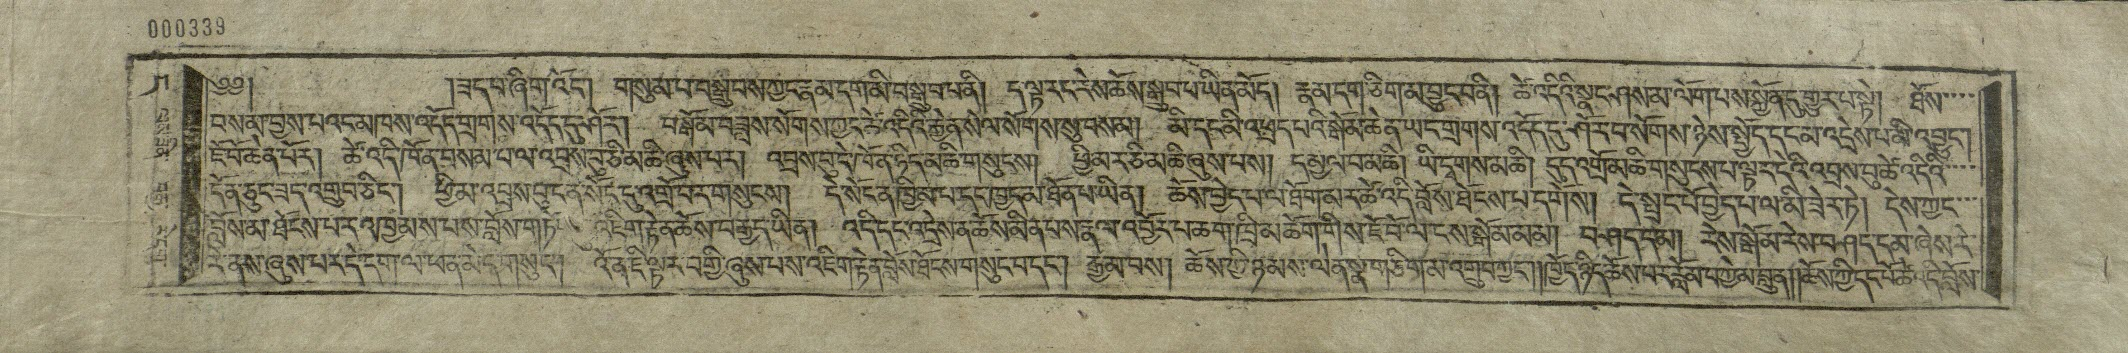༄༅། །ཟད་པ་ཞིག་འོང་། གསུམ་པ་བསྒྲུབས་ཀྱང་རྣམ་དག་མི་བསྒྲུབ་པ་ནི། ད་ལྟ་རང་རེས་ཆོས་སྒྲུབ་པ་ཡིན་མོད། རྣམ་དག་ཅིག་མ་བྱུང་བ་ནི། ཚེ་འདིའི་སྣང་ཤེས་མ་ལོག་པས་སྐྱོན་དུ་གྱུར་པ་སྟེ། ཐོས་
བསམ་བྱས་པའང་མཁས་འདོད་གྲགས་འདོད་དུ་ཤོར། བསྒོམ་བཟླས་སོགས་ཀྱང་ཚེ་འདིའི་རྐྱེན་སེལ་སོགས་སུ་བསམ། མི་དང་མི་འཕྲད་པའི་སྒོམ་ཆེན་ཡང་གྲགས་འདོད་དུ་ཤོར་བ་སོགས་ཉེས་སྤྱོད་དང་མ་འདྲེས་པ་མི་འབྱུང་།
ཇོ་བོ་ཆེན་པོར། ཚེ་འདི་ཁོ་ན་བསམ་པ་ལ་འབྲས་བུ་ཅི་མཆི་ཞུས་པར། འབྲས་བུ་དེ་ཁོ་ན་ཉིད་མཆི་གསུངས། ཕྱི་མར་ཅི་མཆི་ཞུས་པས། དམྱལ་བ་མཆི། ཡི་དྭགས་མཆི། དུད་འགྲོ་མཆི་གསུངས་པ་ལྟར་དེའི་འབྲས་བུ་ཚེ་འདིའི་
དོན་ཅུང་ཟད་འགྲུབ་ཅིང་། ཕྱི་མ་འབྲས་བུ་ངན་སོང་དུ་འགྲོ་བར་གསུངས། དེ་སོང་ན་ཁྱིམ་པ་དང་ཁྱད་མ་ཐོན་པ་ཡིན། ཆོས་བྱེད་པ་ལ་ཐོག་མར་ཚེ་འདི་བློས་ཐོངས་པ་དགོས། དེ་སྤྲང་པོ་བྱེད་པ་ལ་མི་ཟེར་ཏེ། དེས་ཀྱང་
བློས་མ་ཐོངས་པར་འཁྱམས་པས་བློས་གཏོང་རྒྱུ་འཇིག་རྟེན་ཆོས་བརྒྱད་ཡིན། འདི་དང་འདྲེས་ན་ཆོས་མིན་པས་རྣལ་འབྱོར་པ་ཆག་ཁྲི་མཆོག་གིས་ཇོ་བོ་ལ་ངས་སྒོམ་མམ། བཤད་དམ། རེས་སྒོམ་རེས་བཤད་དམ་ཞེས་རེ་
རེ་ནས་ཞུས་པར་དེ་དག་ལ་ཕན་མེད་གསུང་། འོ་ན་ཇི་ལྟར་བགྱི་ཞུས་པས་འཇིག་རྟེན་བློས་ཐོངས་གསུང་བ་དང་། རྒྱ་མ་བས། ཆོས་ཀྱི་ཉམས་ལེན་སྣ་གཅིག་མ་འགྲུབ་ཀྱང་། །ཁྱོད་ཉིད་ཆོས་པར་རློམ་པ་ཀྱེ་མ་བླུན། །ཆོས་ཀྱི་དང་པོ་ཚེ་འདི་བློས་